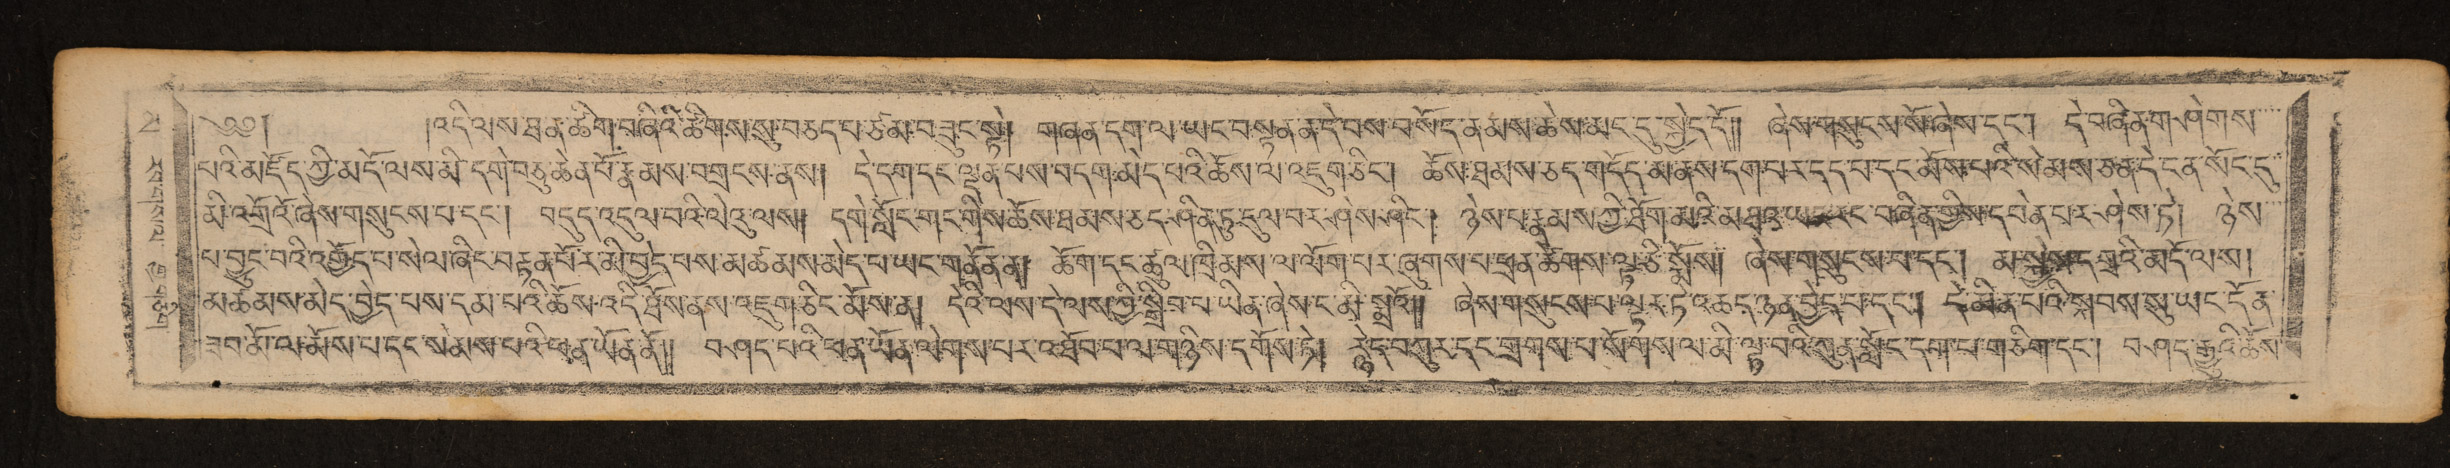༄༅། །འདི་ལས་ཐ་ན་ཚིག་བཞིའི་ཚིགས་སུ་བཅད་པ་ཙམ་བཟུང་སྟེ། གཞན་དག་ལ་ཡང་བསྟན་ན་དེ་བས་བསོད་ནམས་ཆེས་མང་དུ་སྐྱེད་དོ།། ཞེས་གསུངས་སོ་ཞེས་དང་། དེ་བཞིན་གཤེགས་
པའི་མཛོད་ཀྱི་མདོ་ལས་མི་དགེ་བཅུ་ཆེན་པོ་རྣམས་བགྲངས་ནས། དེ་དག་དང་ལྡན་པས་བདག་མེད་པའི་ཆོས་ལ་འཇུག་ཅིང་། ཆོས་ཐམས་ཅད་གདོད་མ་ནས་དག་པར་དད་པ་དང་མོས་པའི་སེམས་ཅན་དེ་ངན་སོང་དུ་
མི་འགྲོའོ་ཞེས་གསུངས་པ་དང་། བདུད་འདུལ་བའི་ལེའུ་ལས། དགེ་སློང་གང་གིས་ཆོས་ཐམས་ཅད་ཤིན་ཏུ་དུལ་བར་ཤེས་ཤིང་། ཉེས་པ་རྣམས་ཀྱི་ཐོག་མའི་མཐའ་ཡང་རང་བཞིན་གྱིས་དབེན་པར་ཤེས་ཏེ། ཉེས་
པ་བྱུང་བའི་འགྱོད་པ་སེལ་ཞིང་བརྟན་པོར་མི་བྱེད་པས་མཚམས་མེད་པ་ཡང་གནོན་ན། ཆོ་ག་དང་ཚུལ་ཁྲིམས་ལ་ལོག་པར་ཞུགས་པ་ཕྲན་ཚེགས་ལྟ་ཅི་སྨོས། ཞེས་གསུངས་པ་དང་། མ་སྐྱེས་དགྲའི་མདོ་ལས།
མཚམས་མེད་བྱེད་པས་དམ་པའི་ཆོས་འདི་ཐོས་ནས་འཇུག་ཅིང་མོས་ན། དེའི་ལས་དེ་ལས་ཀྱི་སྒྲིབ་པ་ཡིན་ཞེས་ང་མི་སྨྲའོ།། ཞེས་གསུངས་པ་ལྟར་ཏེ་འཆད་ཉན་བྱེད་པ་དང་། དེ་མིན་པའི་སྐབས་སུ་ཡང་དོན་
ཟབ་མོ་ལ་མོས་པ་དང་སེམས་པའི་ཕན་ཡོན་ནོ།། བཤད་པའི་ཕན་ཡོན་ལེགས་པར་འཐོབ་པ་ལ་གཉིས་དགོས་ཏེ། རྙེད་བཀུར་དང་གྲགས་པ་སོགས་ལ་མི་ལྟ་བའི་ཀུན་སློང་དག་པ་གཅིག་དང་། བཤད་རྒྱུའི་ཆོས་